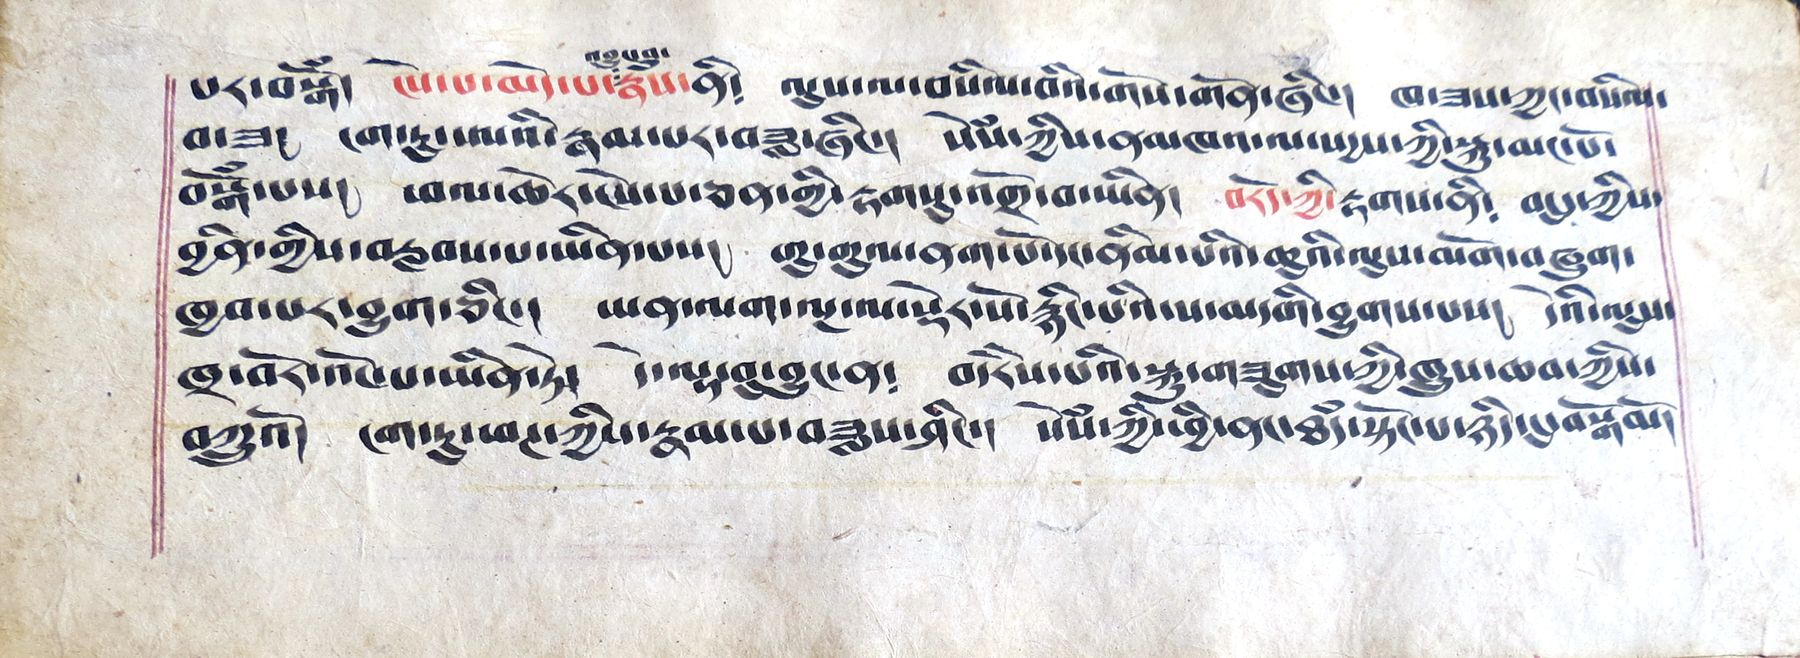པར་བསྒོམ་མོ། །ངེས་པ་མེད་པར་འབྱུང་པ་རྣམས་ནི། ལུས་ལ་བསིལ་བའི་གོས་གོན་ཞིང་། ཁ་ཟས་ཀྱང་བསིལ་
བར་བཟའ། ངག་ཏུ་ཨའི་རྣམ་པ་བཟླ་ཞིང་། སེམས་ཀྱིས་ནམ་མཁའ་ལ་སངས་རྒྱས་ཀྱི་སྐུ་མང་པོར་
བསྒོམས་པས། ཕལ་ཆེར་ངེས་པ་ཅན་གྱི་རྟགས་སུ་འགྲོ་བ་ཡིན། བར་ཆད་ཀྱི་རྟགས་ནི། བདུད་ཀྱིས་
བྱིན་གྱིས་བརླབས་པ་ཡིན་པས། གུ་གུལ་ནག་པོ་དང་ནམ་མཁའི་ཆུས་ལུས་མགོ་མཇུག་
ཁྱབ་པར་བྱུག་ཅིང་། ཡན་ལག་ལྔ་ལ་ལྡེར་སོ་རྙིང་པའི་ས་འདམ་བྱུགས་པས། དེ་ཡིས་ལུས་
ཁྲ་བོར་འོང་པ་ཡིན་ཏེ། དེ་ལྟར་བྱུང་ན། བདེ་བར་གཤེགས་པའི་སྐུ་གཟུགས་ཀྱི་ཁྲུས་ཆབ་ཀྱིས་
བཀྲུའོ། །ངག་ཏུ་ཕཊ་ཀྱི་རྣམ་པ་བཟླ་ཞིང་། སེམས་ཀྱིས་ཕྱི་ནང་ཐམས་ཅད་སྟོང་པ་ཉིད་དུ་བསྒོམ་མོ། །